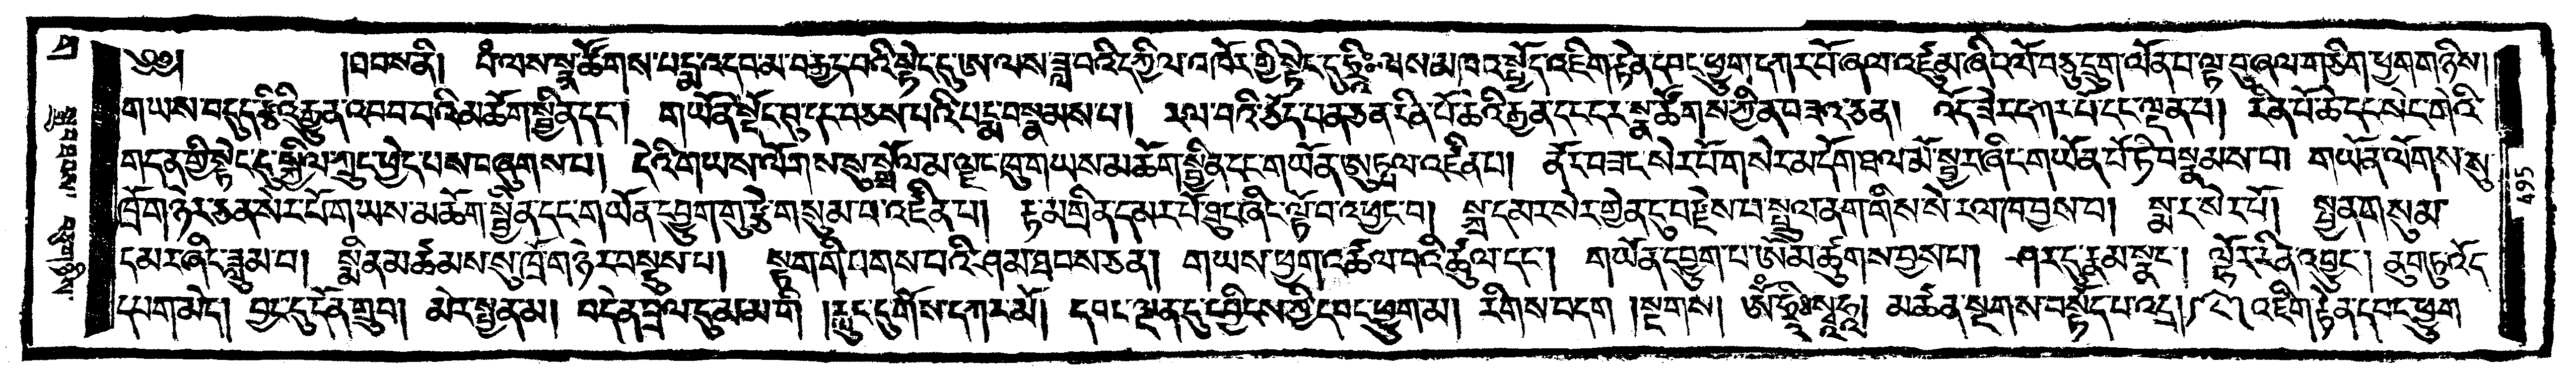༄༅། །ཐབས་ནི། བཾ་ལས་སྣ་ཚོགས་པདམ་འདབ་མ་བརྒྱད་པའི་སྟེང་དུ་ཨ་ལས་ཟླ་བའི་དཀྱིལ་འཁོར་གྱི་སྟེང་དུ་ཧྲཱིཿཝས་མཁའ་སྤྱོད་འཇིག་རྟེན་དབང་ཕྱུག་དཀར་པོ་ཞལ་འཛུམ་ཞིང་ལོ་བཅུ་དྲུག་ལོན་པ་ལྟ་བུ་ཞལ་གཅིག་ཕྱག་གཉིས།
གཡས་བདུད་རྩིའི་རྒྱུན་འབབ་བའི་མཆོག་སྦྱིན་དང་། གཡོན་སྡོང་བུ་དང་བཅས་པའི་པདམ་བསྣམས་པ། རལ་བའི་ཅོད་པན་ཅན་རིན་པོ་ཆེའི་རྒྱན་དང་དར་སྣ་ཚོགས་ཀྱིན་བཟའ་ཅན། འོད་ཟེར་དཀར་པོ་དང་ལྡན་པ། རིན་པོ་ཆེ་དང་སེང་གེའི་
གདན་གྱི་སྟེང་དུ་སྐྱིལ་ཀྲུང་ཕྱེད་པས་བཞུགས་པ། དེའི་གཡས་ལོགས་སུ་སྒྲོལ་མ་ལྗང་ཁུ་གཡས་མཆོག་སྦྱིན་དང་གཡོན་ཨུཏྤལ་འཛིན་པ། ནོར་བཟང་སེར་པོ་གསེར་མདོག་ཐལ་མོ་སྦྱར་ཞིང་གཡོན་པོ་ཏེ་བསྣམས་པ། གཡོན་ལོགས་སུ་
ཁྲོ་གཉེར་ཅན་སེར་པོ་གཡས་མཆོག་སྦྱིན་དང་གཡོན་དབྱུག་གུ་རྩེ་གསུམ་པ་འཛིན་པ། རྟ་མགྲིན་དམར་པོ་ཐུབ་ཞིང་ལྟོ་བ་འཕྱང་བ། སྐྲ་དམར་སེར་གྱེན་དུ་བརྫེས་པ་སྤྲུལ་ནག་གིས་སེ་རལ་ཁ་བྱས་པ། སྨར་སེར་པོ། སྤྱན་གསུམ་
དམར་ཞིང་ཟླུམ་པ། སྨིན་མཚམས་སུ་ཁྲོ་གཉེར་བསྡུས་པ། སྟག་གི་པགས་པའི་ཤམ་ཐབས་ཅན། གཡས་ཕྱག་འཚལ་བའི་ཚུལ་དང་། གཡོན་དབྱུག་པ་ཨོཾ་མ་ཚུགས་བྱས་པ། ཤར་དུ་རྣམ་སྣང་། །ལྷོར་རིན་འབྱུང་། ནུབ་ཏུ་འོད་
དཔག་མེད། བྱང་དུ་དོན་གྲུབ། མེར་སྤྱན་མ། བདེན་བྲལ་དུ་མ་མ་གི །རླུང་དུ་གོས་དཀར་མོ། དབང་ལྡན་དུ་དབྱིངས་ཀྱི་དབང་ཕྱུག་མ། རིགས་བདག །སྔགས། ཨོཾ་ཧྲཱིཿསྭཱཧཱ། མཚན་སྔགས་བསྟོད་པ་འདྲ། ༨?་འཇིག་རྟེན་དབང་ཕྱུག་